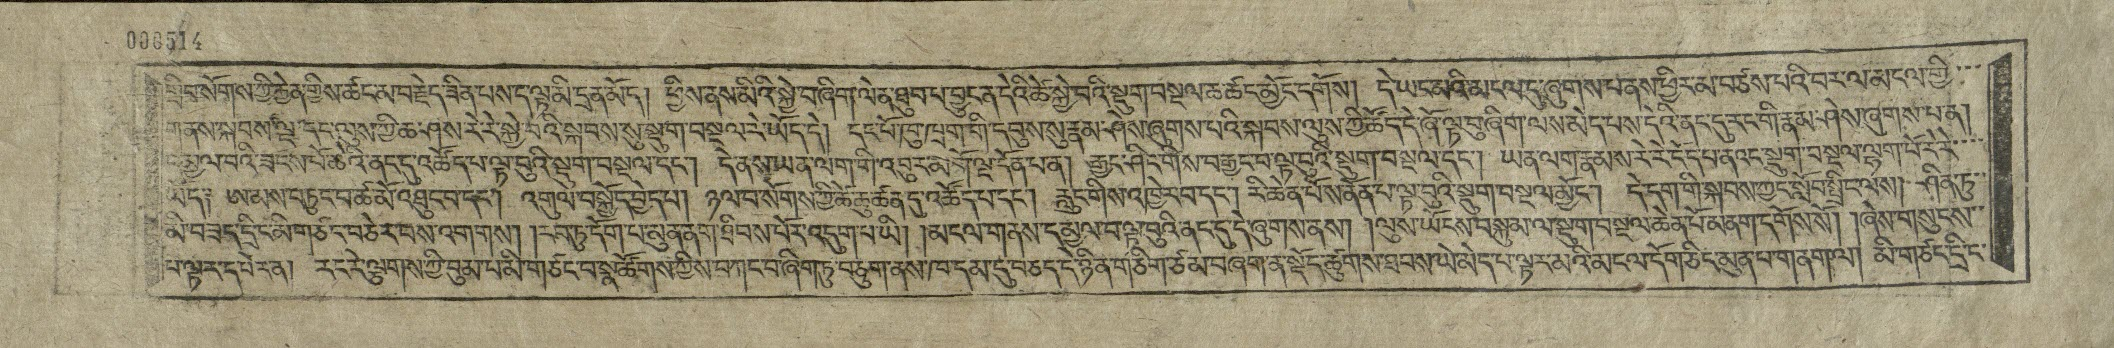གྲིབ་སོགས་ཀྱི་རྐྱེན་གྱིས་ཚང་མ་བརྗེད་ཟིན་པས་ད་ལྟ་མི་དྲན་མོད། ཕྱིས་ནས་མིའི་སྐྱེ་བ་ཞིག་ལེན་ཐུབ་པ་བྱུང་ན་དེའི་ཚེ་སྐྱེ་བའི་སྡུག་བསྔལ་ཆ་ཚང་མྱོང་དགོས། དེ་ཡང་མའི་མངལ་དུ་ཞུགས་པ་ནས་ཕྱིར་མ་བཙས་པའི་བར་ལ་མངལ་གྱི་
གནས་སྐབས་ལྔ་དང་ལུས་ཀྱི་ཆ་ཤས་རེ་རེ་སྐྱེ་བའི་སྐབས་སུ་སྡུག་བསྔལ་རེ་ཡོད་དེ། དང་པོ་ཁུ་ཁྲག་གི་དབུས་སུ་རྣམ་ཤེས་ཞུགས་པའི་སྐབས་ལུས་ཀྱི་ཚོད་དེ་ཞོ་ལྟ་བུ་ཞིག་ལས་མེད་པས་དེའི་ནང་དུ་རང་གི་རྣམ་ཤེས་ཞུགས་པ་ན།
དམྱལ་བའི་ཟངས་པོ་ཆེའི་ནང་དུ་འཚོད་པ་ལྟ་བུའི་སྡུག་བསྔལ་དང་། དེ་ནས་ཡན་ལག་གི་འབུར་མགོ་ལྔ་དོན་པ་ན། རྒྱང་ཤིང་གིས་བརྒྱང་བ་ལྟ་བུའི་སྡུག་བསྔལ་དང་། ཡན་ལག་རྣམས་རེ་རེ་དོད་པ་ནའང་སྡུག་བསྔལ་ལྷག་པོ་རེ་རེ་
ཡོད༑ ཨ་མས་བཏུང་བ་ཚ་མོ་འཐུང་བ་དང་། འགུལ་བསྐྱོད་བྱེད་པ། ཉལ་བ་སོགས་ཀྱི་ཚེ་ཆུ་ཚན་དུ་འཚོད་པ་དང་། རླུང་གིས་འཁྱེར་བ་དང་། རི་ཆེན་པོས་ནོན་པ་ལྟ་བུའི་སྡུག་བསྔལ་མྱོང་། དེ་དག་གི་སྐབས་ཀྱང་སློབ་སྤྲིང་ལས། ཤིན་ཏུ་
མི་བཟད་དྲི་ང་མི་གཙང་བཅེར་བས་འགགས། །རབ་ཏུ་དོག་པ་མུན་ནག་ཐིབས་པོར་འདུག་པ་ཡི། །མངལ་གནས་དམྱལ་བ་ལྟ་བུའི་ནང་དུ་དེ་ཞུགས་ནས། །ལུས་ཡོངས་བསྐུམ་ལ་སྡུག་བསྔལ་ཆེན་པོ་མནག་དགོས་སོ། །ཞེས་གསུངས་
པ་ལྟར་དཔེར་ན། རང་རེ་ལྕགས་ཀྱི་བུམ་པ་མི་གཙང་བ་སྣ་ཚོགས་ཀྱིས་བཀང་བ་ཞིག་ཏུ་བཅུག་ནས་ཁ་དམ་དུ་བཅད་དེ་ཉིན་གཅིག་ཙམ་བཞག་ན་སྡོད་ཚུགས་ཐབས་ཡེ་མེད་པ་ལྟར་མའི་མངལ་དོག་ཅིང་མུན་པ་གནག་ལ། མི་གཙང་དྲི་ང་